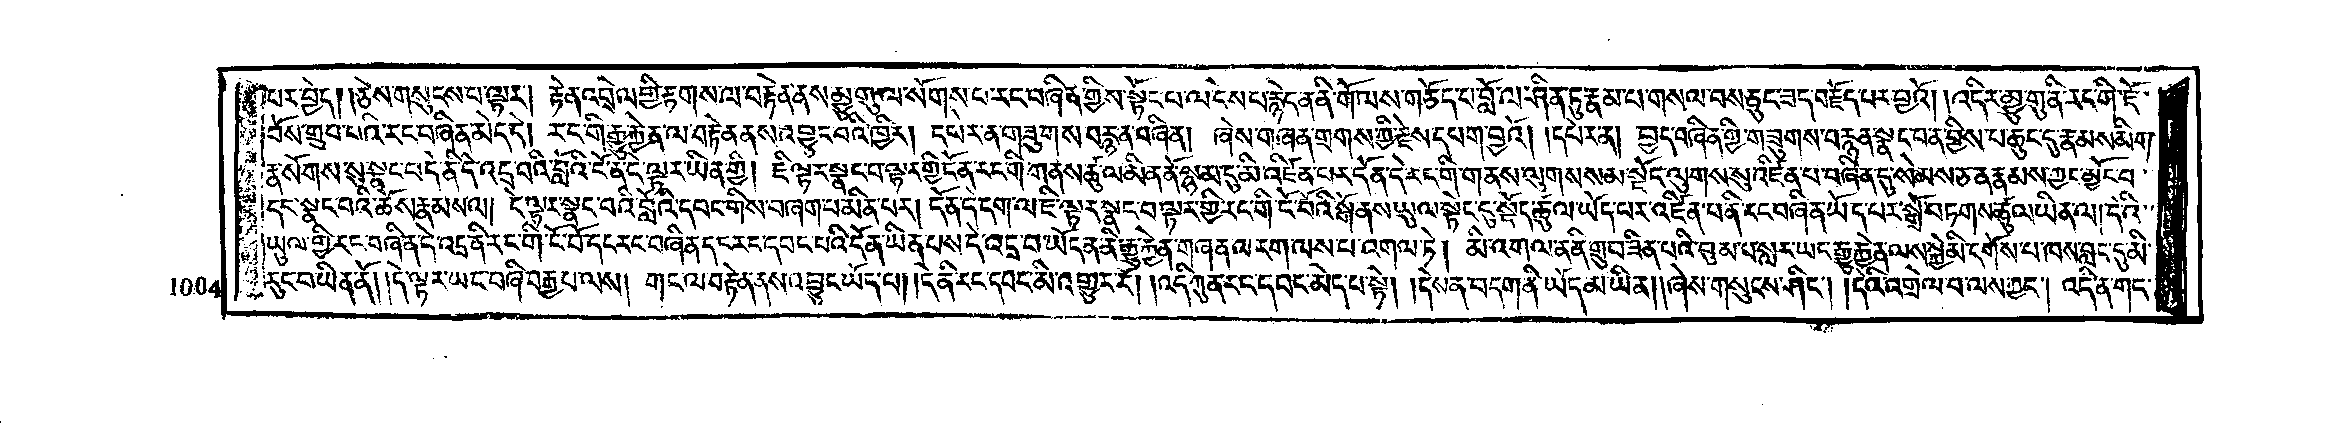པར་བྱེད། །ཅེས་གསུངས་པ་ལྟར། རྟེན་འབྲེལ་གྱི་རྟགས་ལ་བརྟེན་ནས་མྱུ་གུ་ལ་སོགས་པ་རང་བཞིན་གྱིས་སྟོང་པ་ལ་ངེས་པ་རྙེད་ན་ནི་གོལ་ས་གཅོད་པ་བློ་ལ་ཤིན་ཏུ་རྣམ་པ་གསལ་བས་ཅུང་ཟད་བརྗོད་པར་བྱའོ། །འདིར་མྱུ་གུ་ནི་རང་གི་ངོ་
བོས་གྲུབ་པའི་རང་བཞིན་མེད་དེ། རང་གི་རྒྱུ་རྐྱེན་ལ་བརྟེན་ནས་འབྱུང་བའི་ཕྱིར། དཔེར་ན་གཟུགས་བརྙན་བཞིན། ཞེས་གཞན་གྲགས་ཀྱི་རྗེས་དཔག་བྱའོ། །དཔེར་ན། བྱད་བཞིན་གྱི་གཟུགས་བརྙན་སྣང་བ་ན་བྱིས་པ་ཆུང་ངུ་རྣམས་མིག་
རྣ་སེགས་སུ་སྣང་བ་དེ་ནི་དེ་འདྲ་བའི་བློའི་ངོ་ན་དེ་ལྟར་ཡིན་གྱི། ཇི་ལྟར་སྣང་བ་ལྟར་གྱི་དོན་རང་གི་གནས་ཚུལ་མིན་ནོ་སྙམ་དུ་མི་འཛིན་པར་དོན་དེ་རང་གི་གནས་ལུགས་སམ་སྡོད་ལུགས་སུ་འཛིན་པ་བཞིན་དུ་སེམས་ཅན་རྣམས་ཀྱང་མྱོང་བ་
དང་སྣང་བའི་ཆོས་རྣམས་ལ། དེ་ལྟར་སྣང་བའི་བློའི་དབང་གིས་བཞག་པ་མིན་པར། དོན་དེ་དག་ལ་ཇི་ལྟར་སྣང་བ་ལྟར་གྱི་རང་གི་ངོ་བོའི་སྒོ་ནས་ཡུལ་སྟེང་དུ་སྡོད་ཚུལ་ཡོད་པར་འཛིན་པ་ནི་རང་བཞིན་ཡོད་པར་སྒྲོ་བཏགས་ཚུལ་ཡིན་ལ། དེའི་
ཡུལ་གྱི་རང་བཞིན་དེ་འདྲ་ནི་རང་གི་ངོ་བོ་དང་རང་བཞིན་དང་རང་དབང་བའི་དོན་ཡིན་པས་དེ་འདྲ་བ་ཡོད་ན་ནི་རྒྱུ་རྐྱེན་གཞན་ལ་རག་ལས་པ་འགལ་ཏེ། མི་འགལ་ན་ནི་གྲུབ་ཟིན་པའི་བུམ་པ་སླར་ཡང་རྒྱུ་རྐྱེན་ལས་སྐྱེ་མི་དགོས་པ་ཁས་བླང་དུ་མི་
རུང་བ་ཡིན་ནོ། །དེ་ལྟར་ཡང་བཞི་བརྒྱ་བ་ལས། གང་ལ་བརྟེན་ནས་འབྱུང་ཡོད་པ། །དེ་ནི་རང་དབང་མི་འགྱུར་རོ། །འདི་ཀུན་རང་དབང་མེད་པ་སྟེ། །དེས་ན་བདག་ནི་ཡོད་མ་ཡིན། །ཞེས་གསུངས་ཤིང་། དེའི་འགྲེལ་པ་ལས་ཀྱང་། འདི་ན་གང་